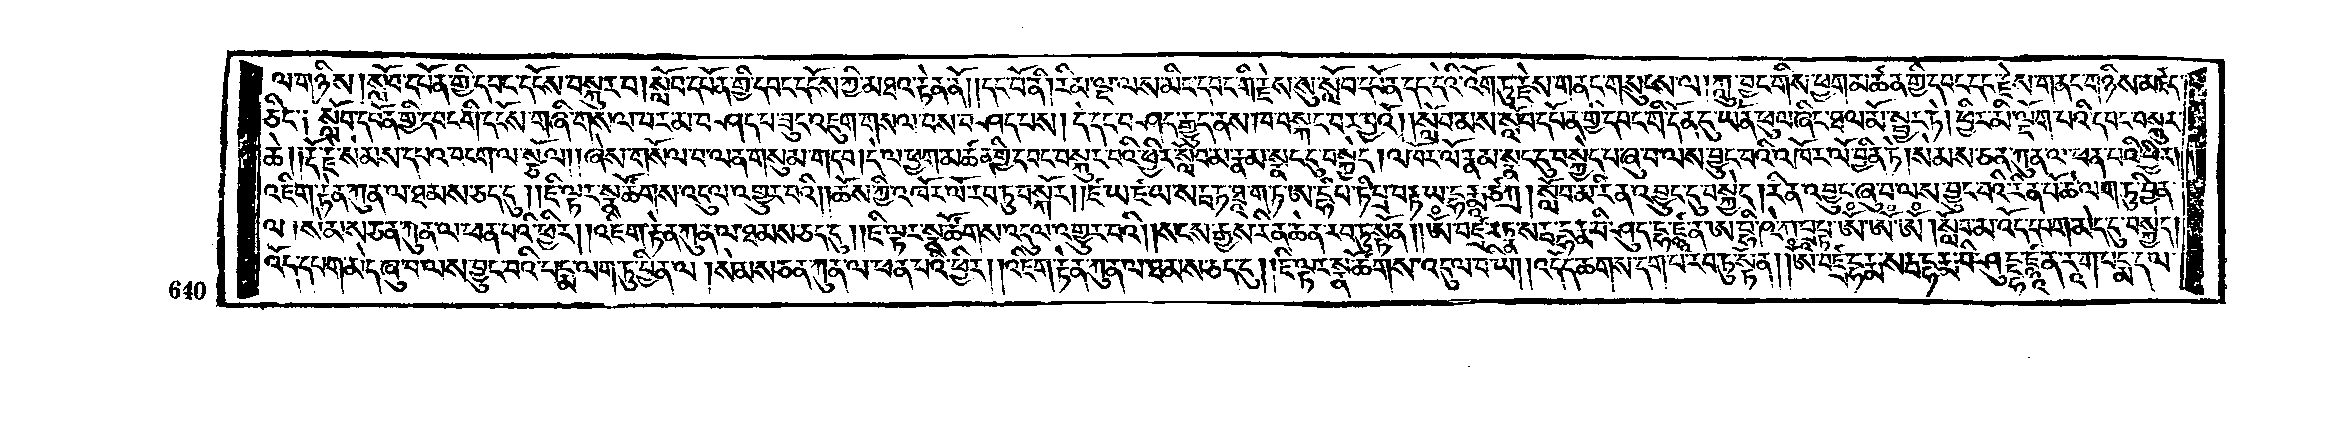ལ་གཉིས། སློབ་དཔོན་གྱི་དབང་དངོས་བསྐུར་བ། སློབ་དཔོན་གྱི་དབང་དངོས་ཀྱི་མཐའ་རྟེན་ནོ། །དང་པོ་ནི། རིམ་ལྔ་ལས་མིང་དབང་གི་རྗེས་སུ་སློབ་དཔོན་དང་དེའི་འོག་ཏུ་རྗེས་གནང་གསུངས་ལ། ཀླུ་བྱང་གིས་ཕྱག་མཚན་གྱི་དབང་དང་རྗེས་གནང་གཉིས་མཛད་
ཅིང་། སློབ་དཔོན་གྱི་དབང་གི་དངོས་གཞི་གསལ་བར་མ་བཤད་པ་ཟུང་འཇུག་གསལ་བས་བཤད་པས། དེ་དང་བཤད་རྒྱུད་ནས་ཁ་བསྐང་བར་བྱའོ། །སློབ་མས་སློབ་དཔོན་གྱི་དབང་གི་དོན་དུ་ཡོན་ཕུལ་ཞིང་ཐལ་མོ་སྦྱར་ཏེ། ཕྱིར་མི་ལྡོག་པའི་དབང་བསྐུར་
ཆེ། །རྡོ་རྗེ་སེམས་དཔའ་བདག་ལ་སྩོལ། །ཞེས་གསོལ་བ་ལན་གསུམ་གདབ། དེ་ལ་ཕྱག་མཚན་གྱི་དབང་བསྐུར་བའི་ཕྱིར་སློབ་མ་རྣམ་སྣང་དུ་བསྐྱེད། འཁོར་ལོ་རྣམ་སྣང་དུ་བསྐྱེད་པ་ཞུ་བ་ལས་བྱུང་བའི་འཁོར་ལོ་བྱིན་ཏེ། སེམས་ཅན་ཀུན་ལ་ཕན་པའི་ཕྱིར།
འཇིག་རྟེན་ཀུན་ལ་ཐམས་ཅད་དུ། །ཇི་ལྟར་སྣ་ཚོགས་འདུལ་འགྱུར་བའི། །ཆོས་ཀྱི་འཁོར་ལོ་རབ་ཏུ་བསྐོར། །ཛ་ཡ་ཛ་ཡ་སརྦ་ཐ་ཐཱ་ག་ཏ་ཨ་དིཧ་པ་ཏི་པྲ་བརྟ་ཡ་དྷརྨཱ་ཙ་ཀྲ། སློབ་མ་རིན་འབྱུང་དུ་བསྐྱེད། རིན་འབྱུང་ཞུ་བ་ལས་བྱུང་བའི་རིན་པོ་ཆེ་ལག་ཏུ་བྱིན་
ལ། སེམས་ཀུན་ལ་ཕན་པའི་ཕྱིར། །འཇིག་རྟེན་ཀུན་ལ་ཐམས་ཅད་དུ། །ཇི་ལྟར་སྣ་ཚོགས་འདུལ་འགྱུར་བའི། །སངས་རྒྱས་རིན་ཆེན་རབ་ཏུ་སྟོན། །ཨོཾ་བཛྲ་རཏྣ་སརྦ་དྷ་རྨ་བི་ཤུད་དྷ་ཛྙ་ན་ཨ་བིཧ་ཥེ་ཀ་པྲཔྟ་ཨོཾ་ཨོཾ་ཨོཾ། སློབ་མ་འོད་དཔག་མེད་དུ་བསྐྱེད།
འོད་དཔག་མེད་ཞུ་བ་ལས་བྱུང་བའི་པདམ་ལག་ཏུ་བྱིན་ལ། སེམས་ཅན་ཀུན་ལ་ཕན་པའི་ཕྱིར། །འཇིག་རྟེན་ཀུན་ལ་ཐམས་ཅད་དུ། །ཇི་ལྟར་སྣ་ཚོགས་འདུལ་བ་ཡི། །འདོད་ཆགས་དག་པ་རབ་ཏུ་སྟོན། །ཨོཾ་བཛྲ་དྷརྨ་སརྦ་དྷརྨ་བི་ཤུདྡྷ་ཛྙཱ་ན་རཱ་ག་པདམ་ད་ལ་